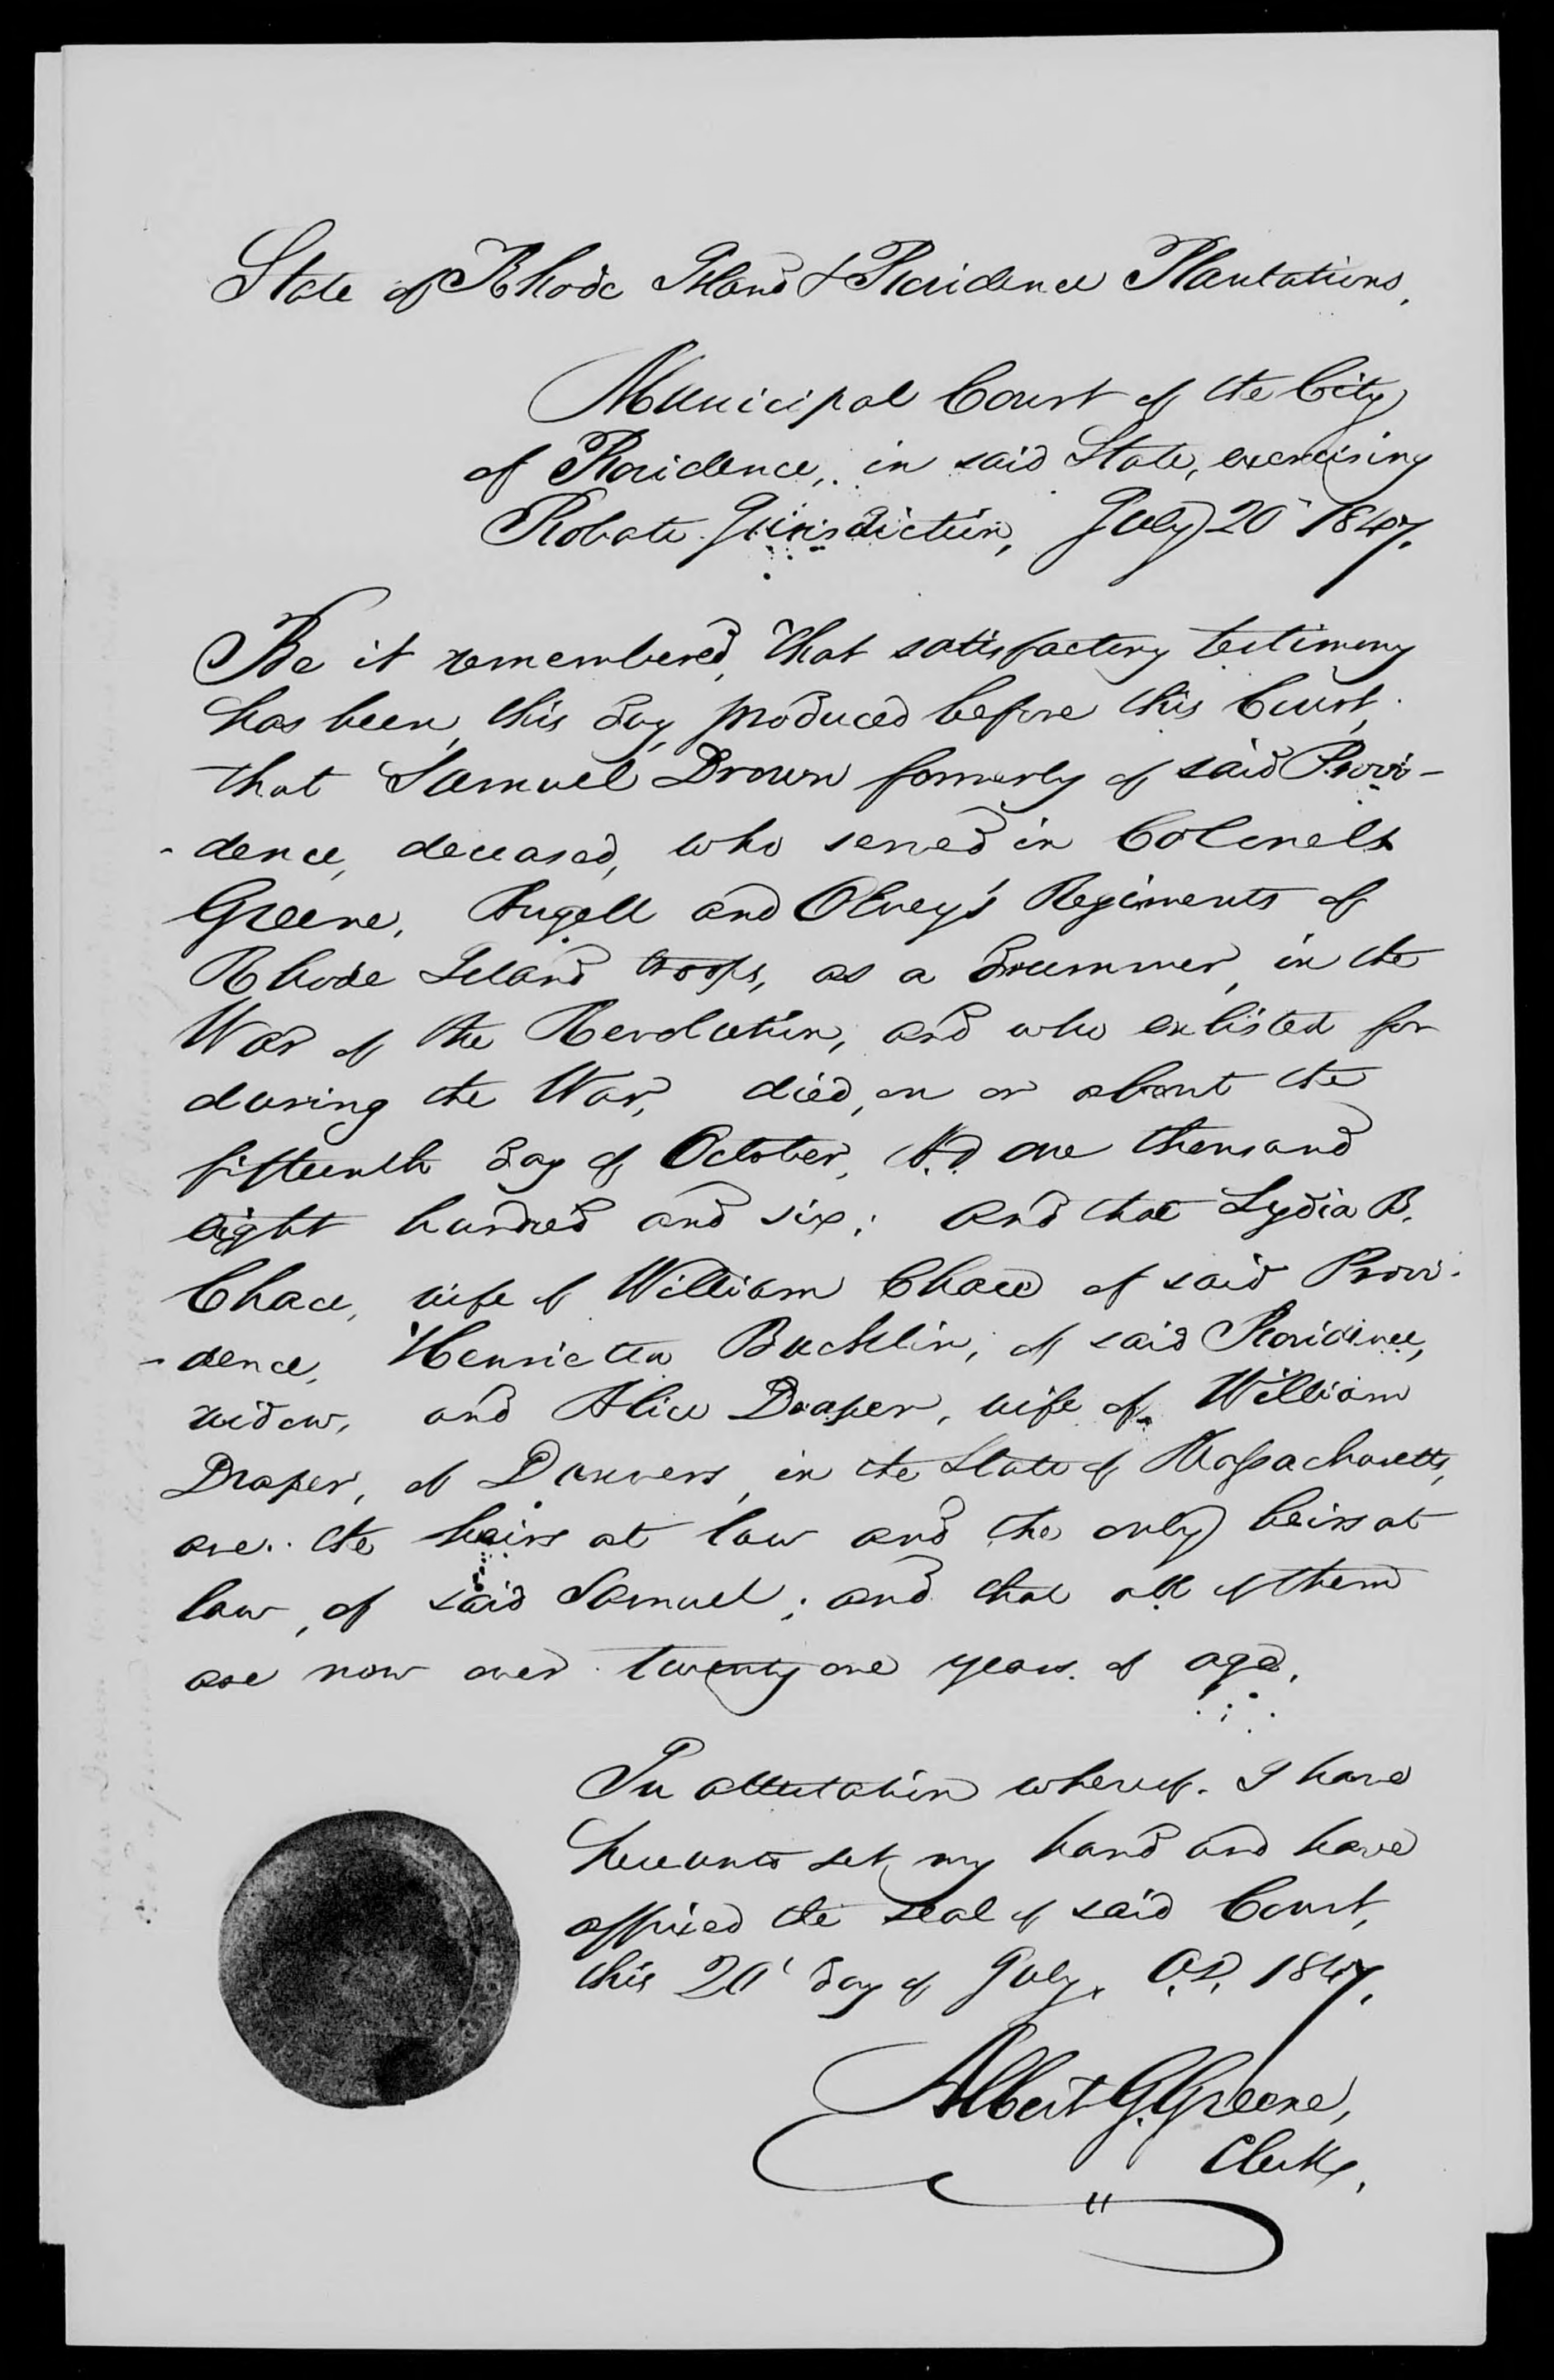State of Rhode Island & Providence Plantations
Municipal Court of the City of
Providence in said State, exercising
Probate Jurisdiction, July 20 1847.

Be it remembered, that satisfactory testimony
has been, this day, produced before this Court,
that Samuel Drown formerly of said Providence,
deceased, who served in Colonels
Greene, [illegible] and Olney's Regiments of
Rhode Island troops, as a Drummer in the
War of the Revolution, and who enlisted for
during the War, died on or about the
fifteenth day of October, one thousand
eight hundred and six; and that Lydia B.
Chace, wife of William Chace of said Providence, 
Henrietta Bucklin, of said Providence,
widow,  and Alice Draper, wife of William
Draper, of Danvers, in the State of Massachusetts
are the heirs at law and the only heirs at
law, of said Samuel; and that all of them
are now over twenty one years of age,

In attestation whereof, I have
hereunto set my hand and have
affixed the seal of said Court
this 20th day of Jul, A.D. 1847.
Albert G. Greene,
Clerk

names: Samuel, William Draper, William Chace, Lydia B Chace, Alice Draper, Albert G Greene, Samuel Drown, Henrietta Bucklin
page: 13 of 31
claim: widow's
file: W 21004, Samuel Drown, R.I.